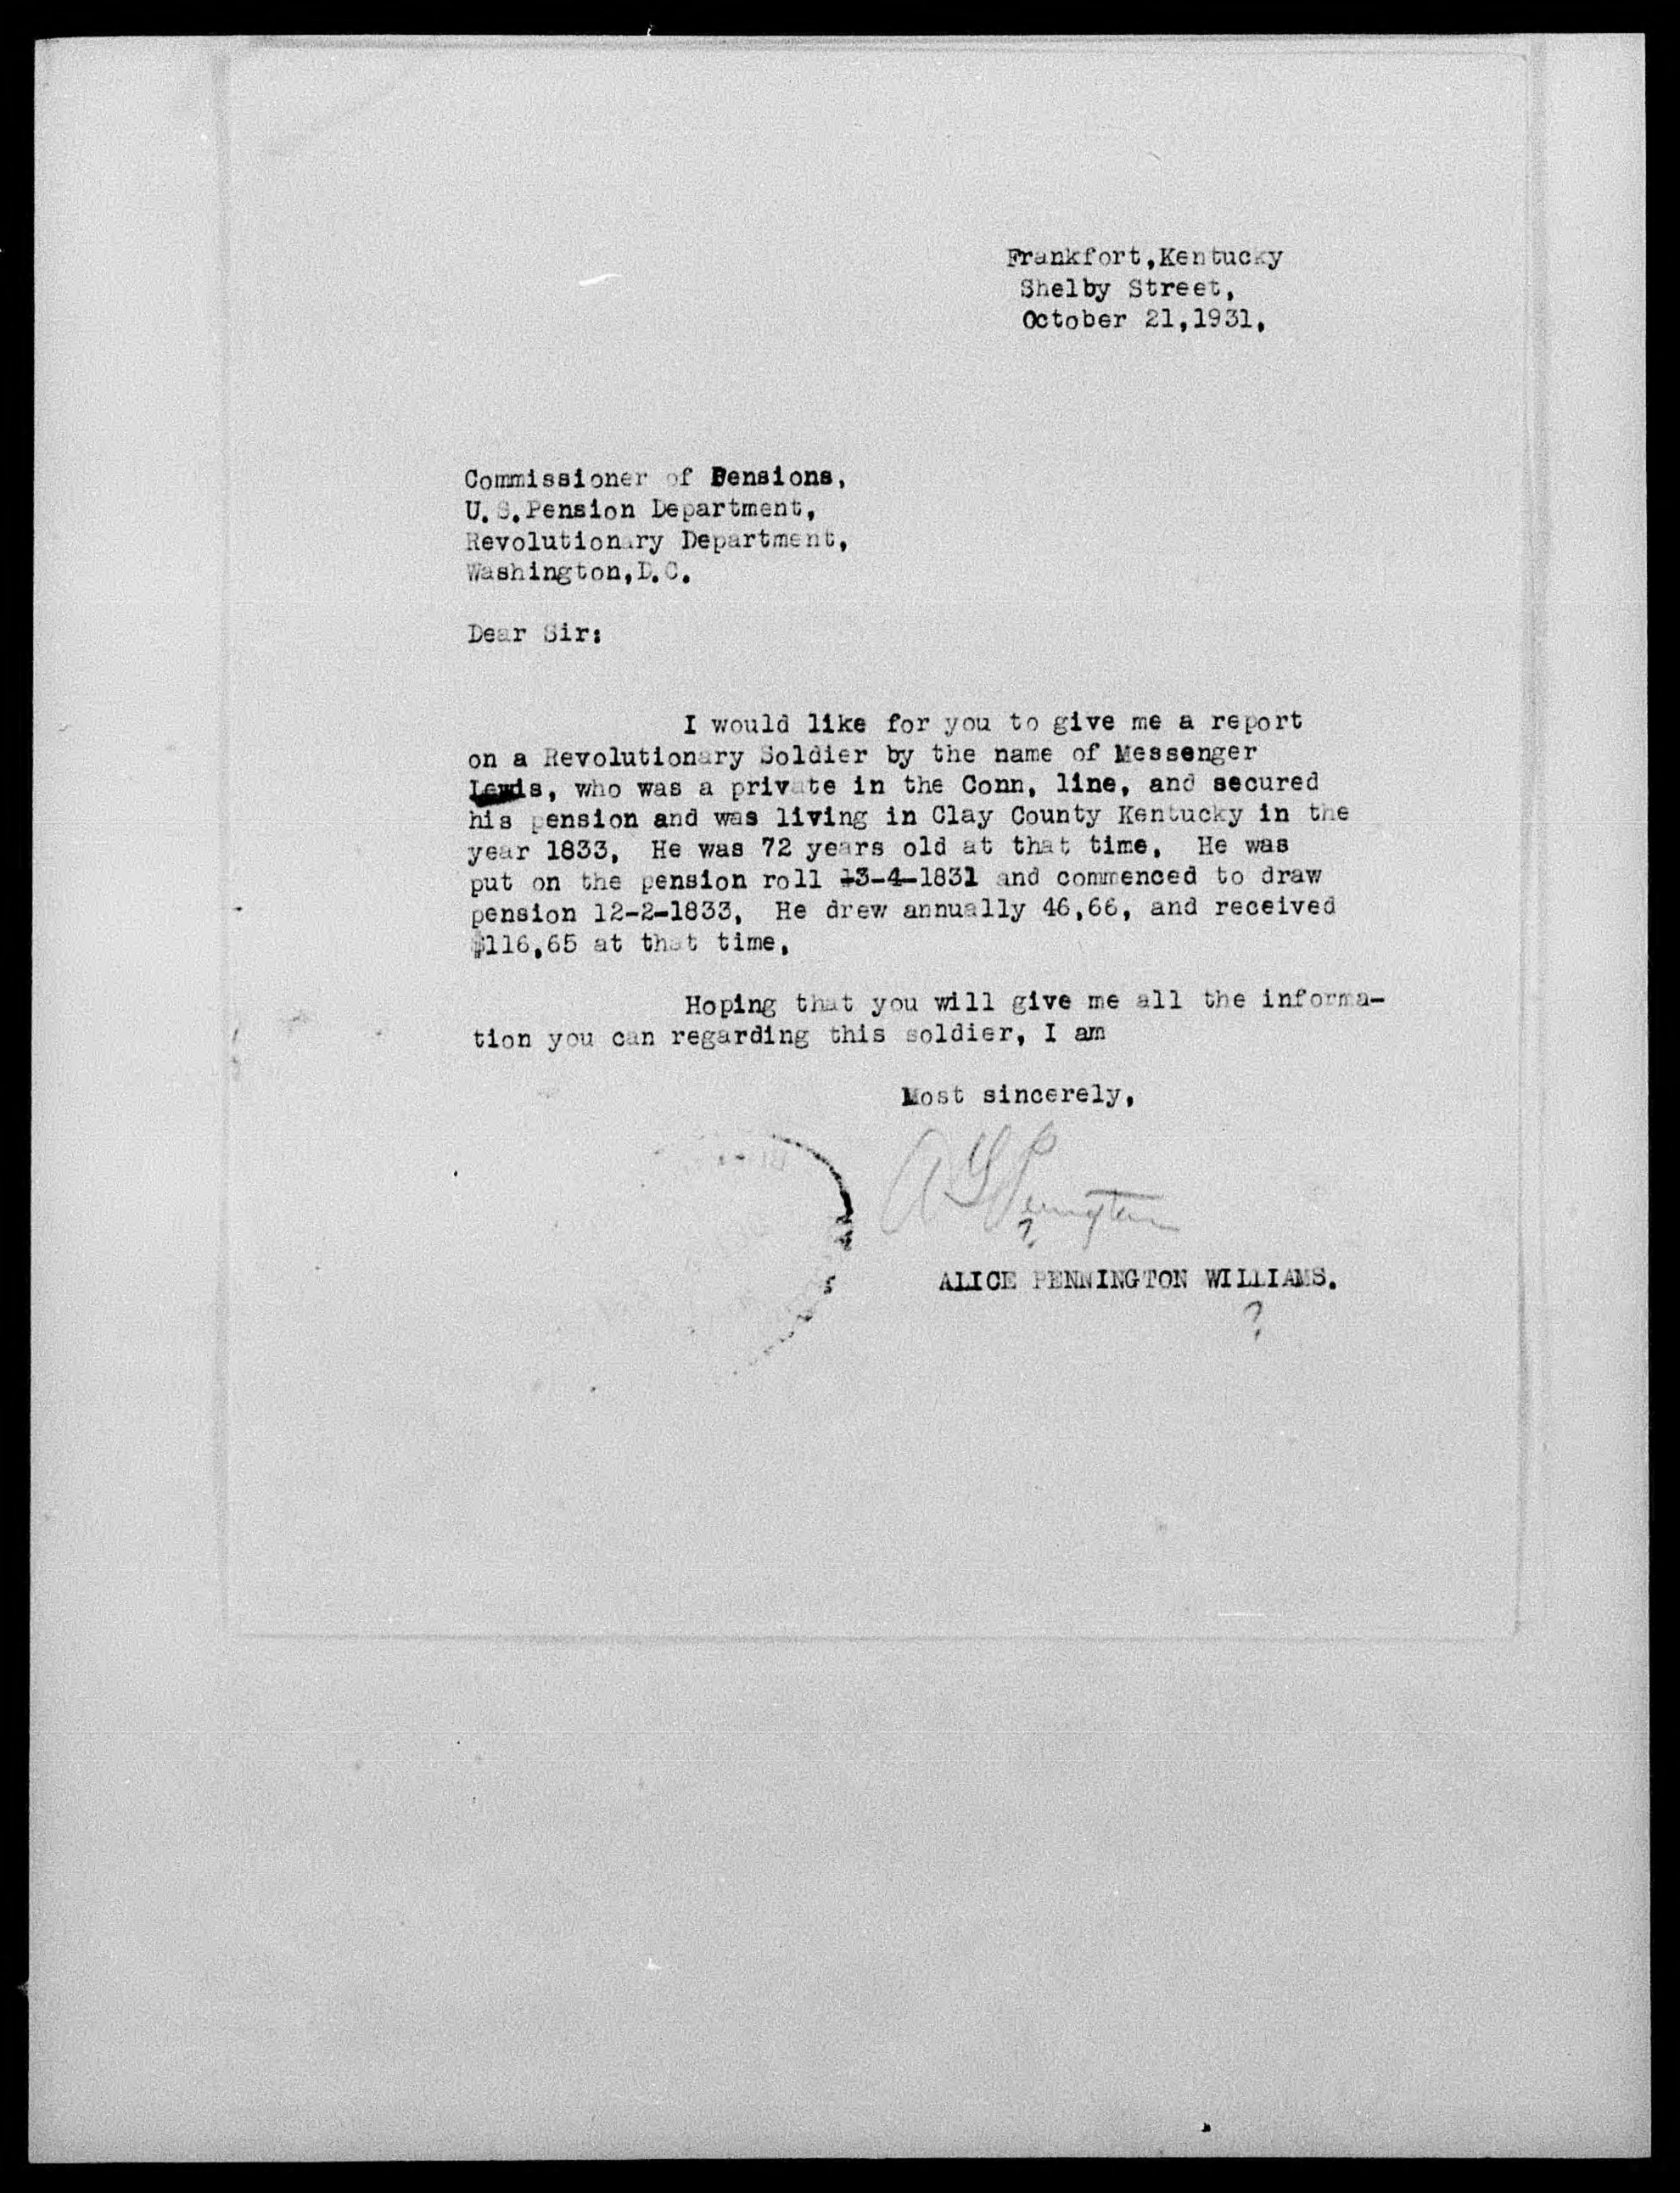Frankfort, Kentucky 
Shelby Street, 
October 21, 1931, 
Commissioner of Pensions, 
U. S. Pension Department, 
Revolutionary Department, 
Washington, D. C. 
Dear Sir: 
I would like for you to give me a report on a Revolutionary Soldier by the name of Messenger Lewis, who was a private in the Conn line, and secured his pension and was living in Clay County Kentucky in the year 1833. He was 72 years old at that time. He was put on the pension roll 13-4-1831 and commenced to draw pension 12-2-1833, He drew annually 46,66, and received $116, 65 at that time, 
Hoping that you will give me all the information you can regarding this soldier, I am 
Most sincerely, A.G. Pennington
ALICE PENNINGTON WILLIAMS,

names: Messenger Lewis; Alice Pennington Williams; A G Penigton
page: 9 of 12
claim: survivor's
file: S. 31207, for Messenger Lewis, Connecticut